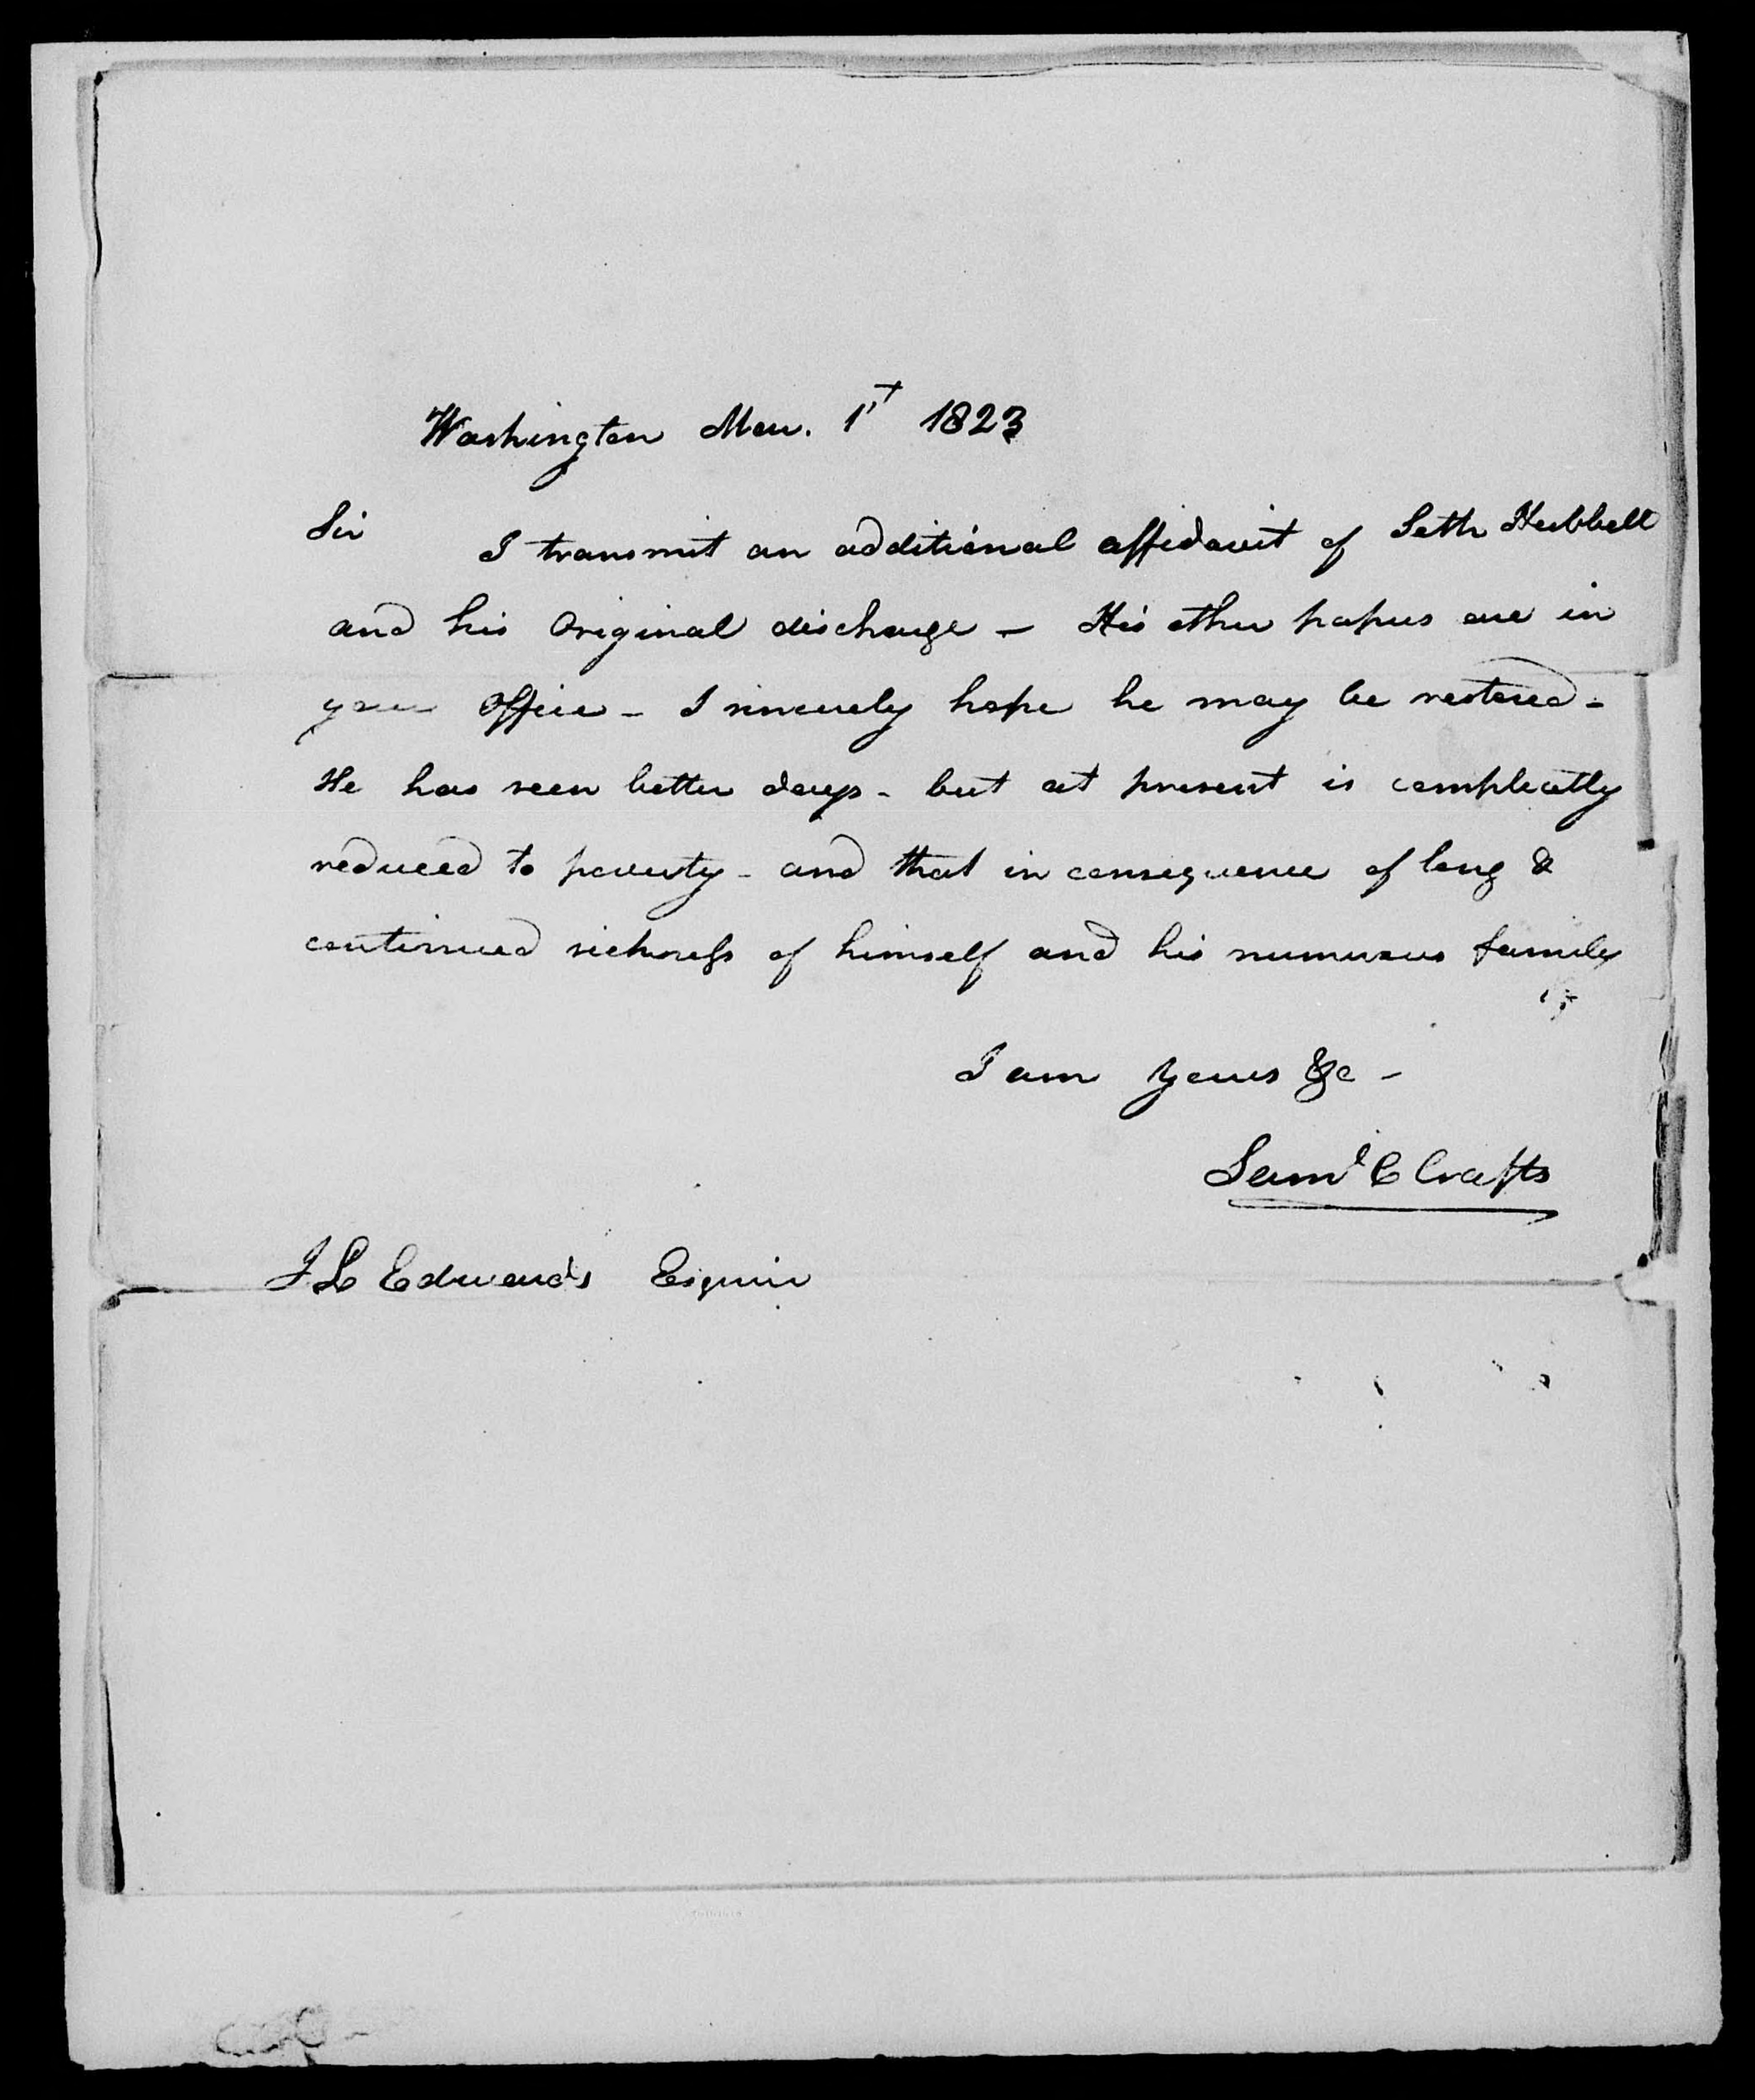Washington Mar. 1st 1823
Sir                    I transmit an additional affidavit of Seth Hubbell and his original discharge _ His other papers are in your office _ I sincerely hope he may  be restored _ He has seen better days but at present is completely reduced to poverty _ and that in consequence of long & continued [illegible] of himself and his numerous family
I am yours Etc - 
Saml C Crafts

J.L. Edwards Esquire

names: Saml C Crafts, Seth Hubbell, J L Edwards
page: 90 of 114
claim: widow's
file: W. 2115, Seth Hubbell, Conn.